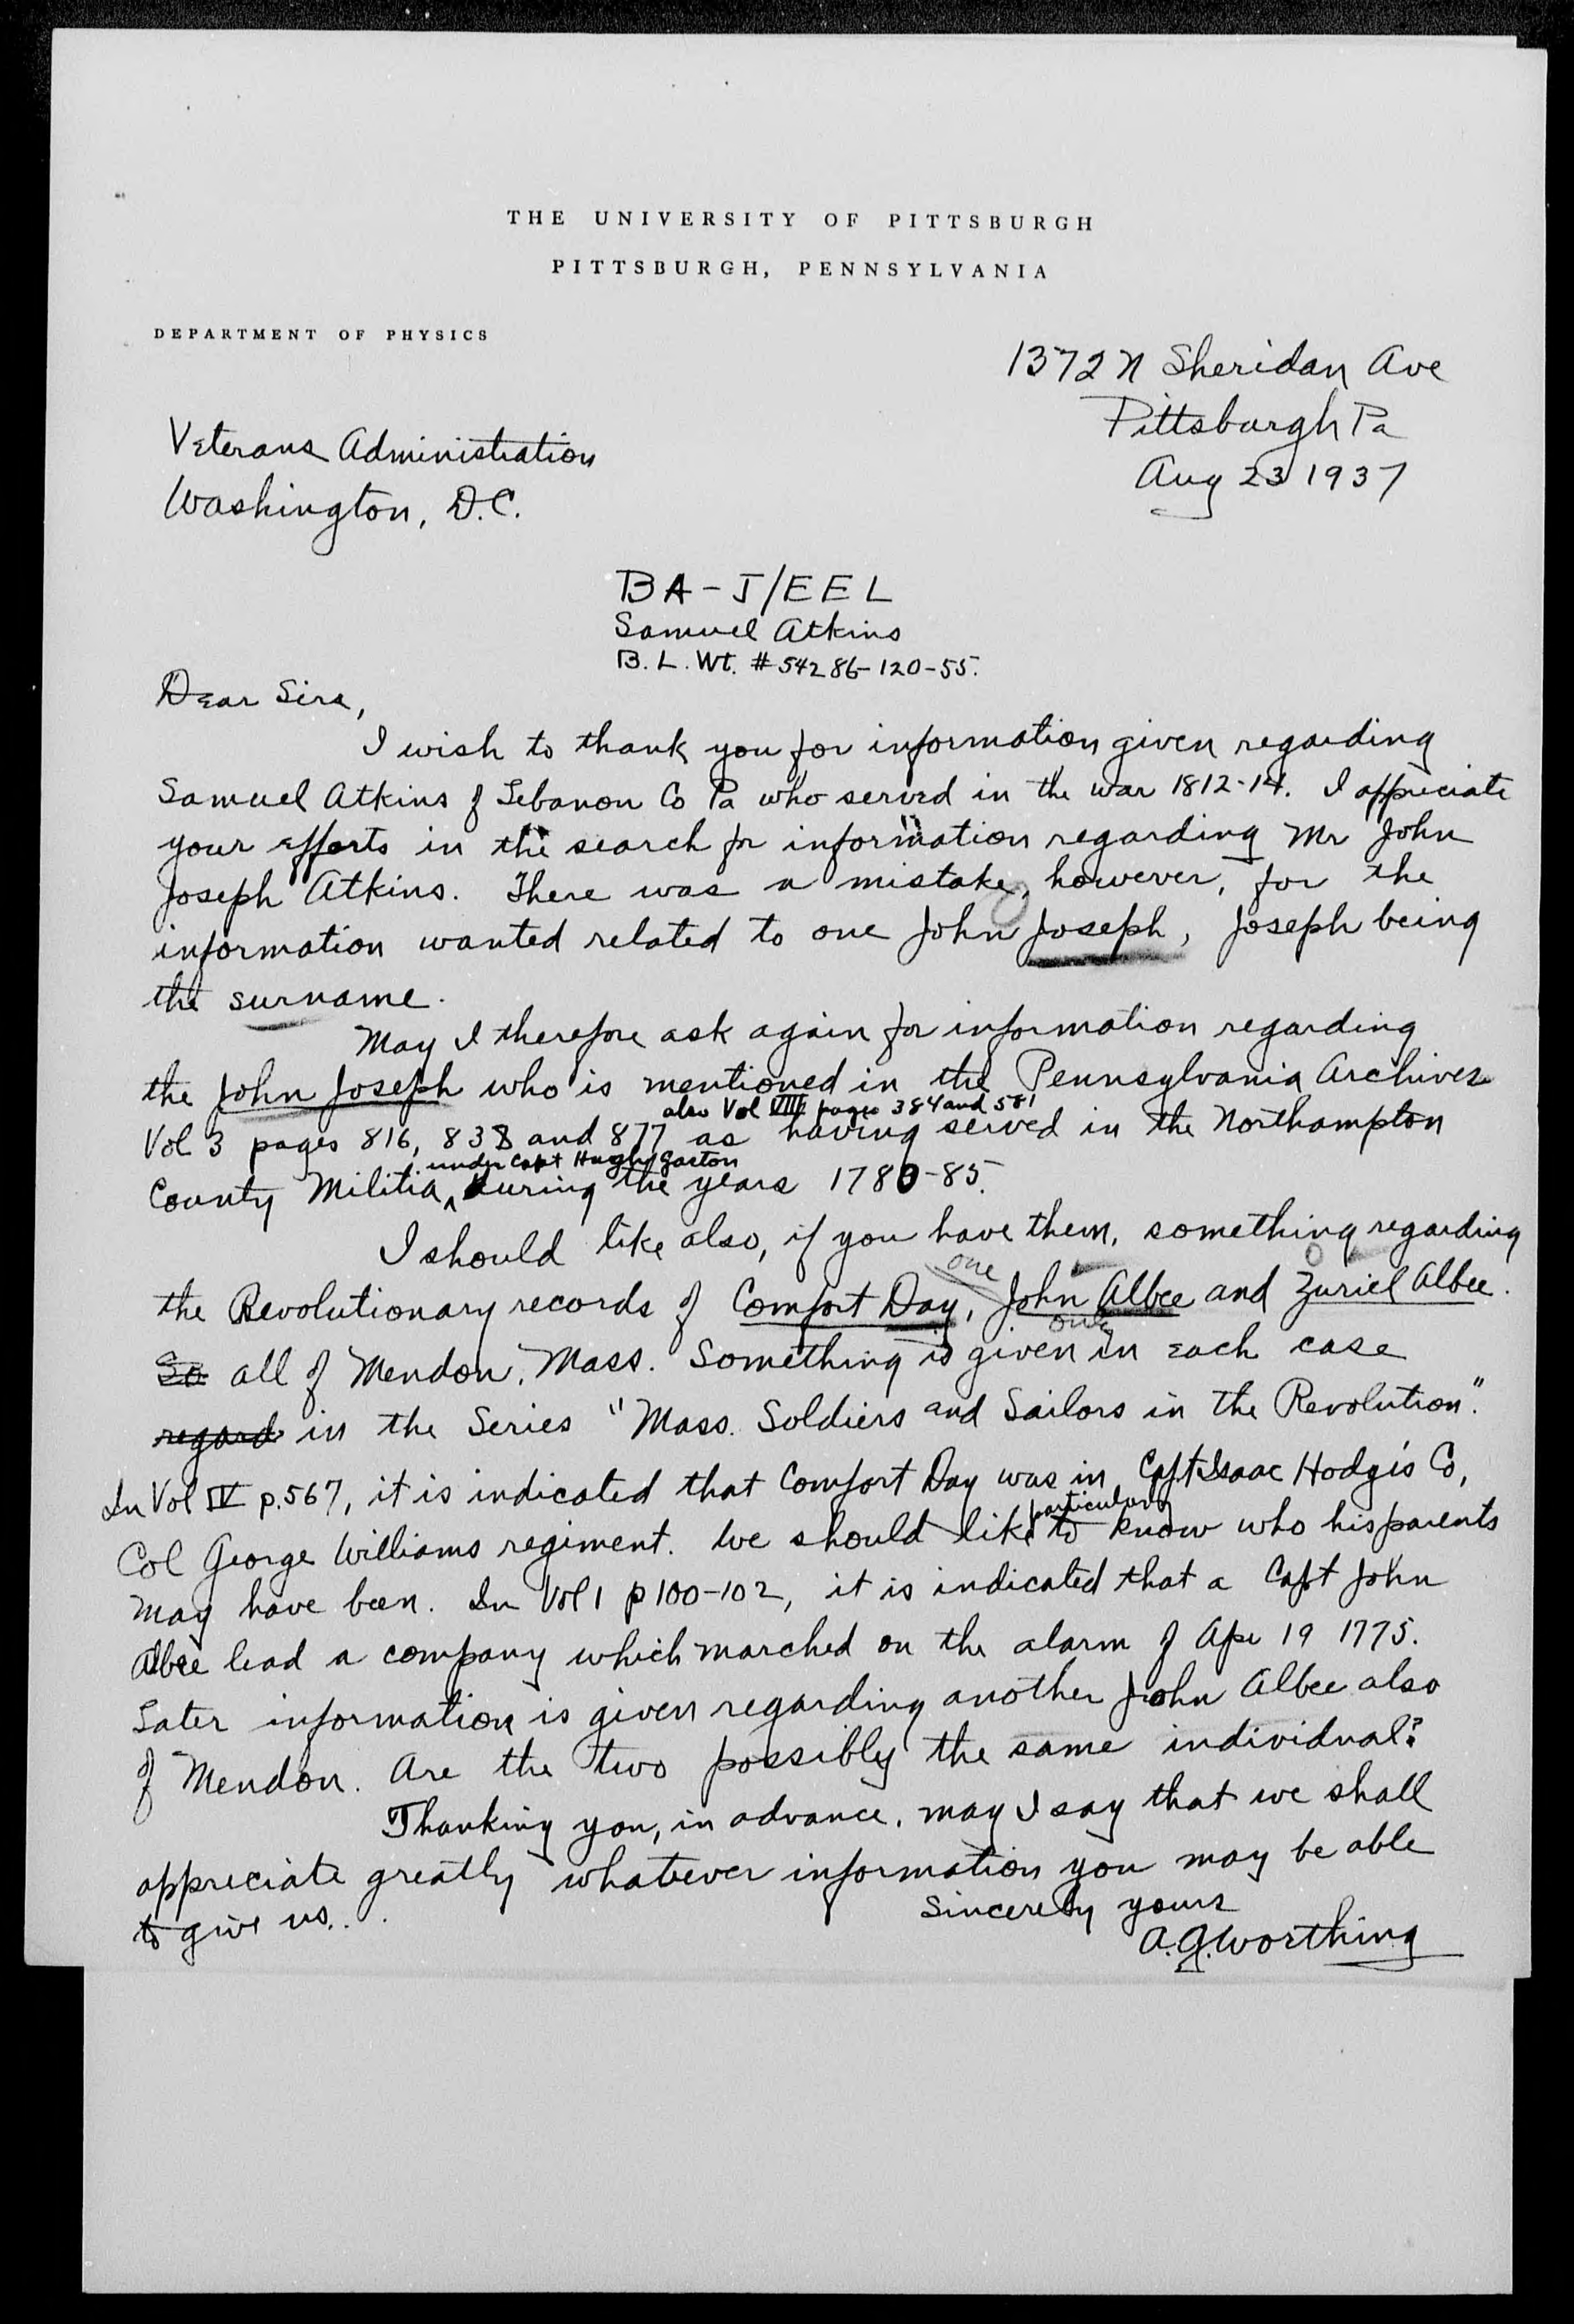The University of Pittsburgh
Pittsburgh, Pennsylvania

Department of Physics

1372 N. Sheridan Ave.
Pittsburgh, Pa.
Aug. 23, 1937

Veterans Administration
Washington, D.C.

BA-J/EEL
Samuel Atkins
B.L. Wt. #54286-120-55

Dear Sirs,

I wish to thank you for information given regarding Samuel Atkins of Lebanon Co. Pa. who served in the war 1812-14.  I appreciate your efforts in the search for information regarding Mr. John Joseph Atkins.  There was a mistake, however, for the information related to one John Joseph, Joseph being the surname.
May I therefore ask again for information regarding the John Joseph who is mentioned in the Pennsylvania Archives Vol. 3, pages 816, 838, and 877 ( also Vol. VIII pages 384 and 581) as having served in the Northampton County Militia under Capt. Hugh Gaston during the years 1780-1785.
I should like also, if you have the the, something regarding the Revolutionary records of Comfort Day, one John Albee, and Zuriel Albee, all of Mendon, Mass. Something is given in each case in the Series "Mass. Soldiers and Sailors in the Revolution."
In Vol. IV p. 567, it is indicated that Comfort Day was in Capt. Isaac Hodge's Co., Col. George Williams regiment.  We should particularly like to know who his parents may have been.  In Vol. 1 p. 100-102, it is indicated that a Capt. John Albee led a company which marched on the alarm of Apr. 19, 1775. Later information is given regarding another John Albee also of Mendon.  Are the two possibly the same individual?
Thanking you, in advance, may I say that we shall appreciate greatly whatever information you may be able to give us.

Sincerely yours,

A.G. Worthing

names: John Joseph Atkins, John Joseph, Joseph, A G Worthing, John Albee, John Albee, Zuriel Albee, Samuel Atkins, John Joseph, John Albee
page: 23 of 29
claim: survivor's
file: S 41404, Eleazer John Albee, Mass. Privateer